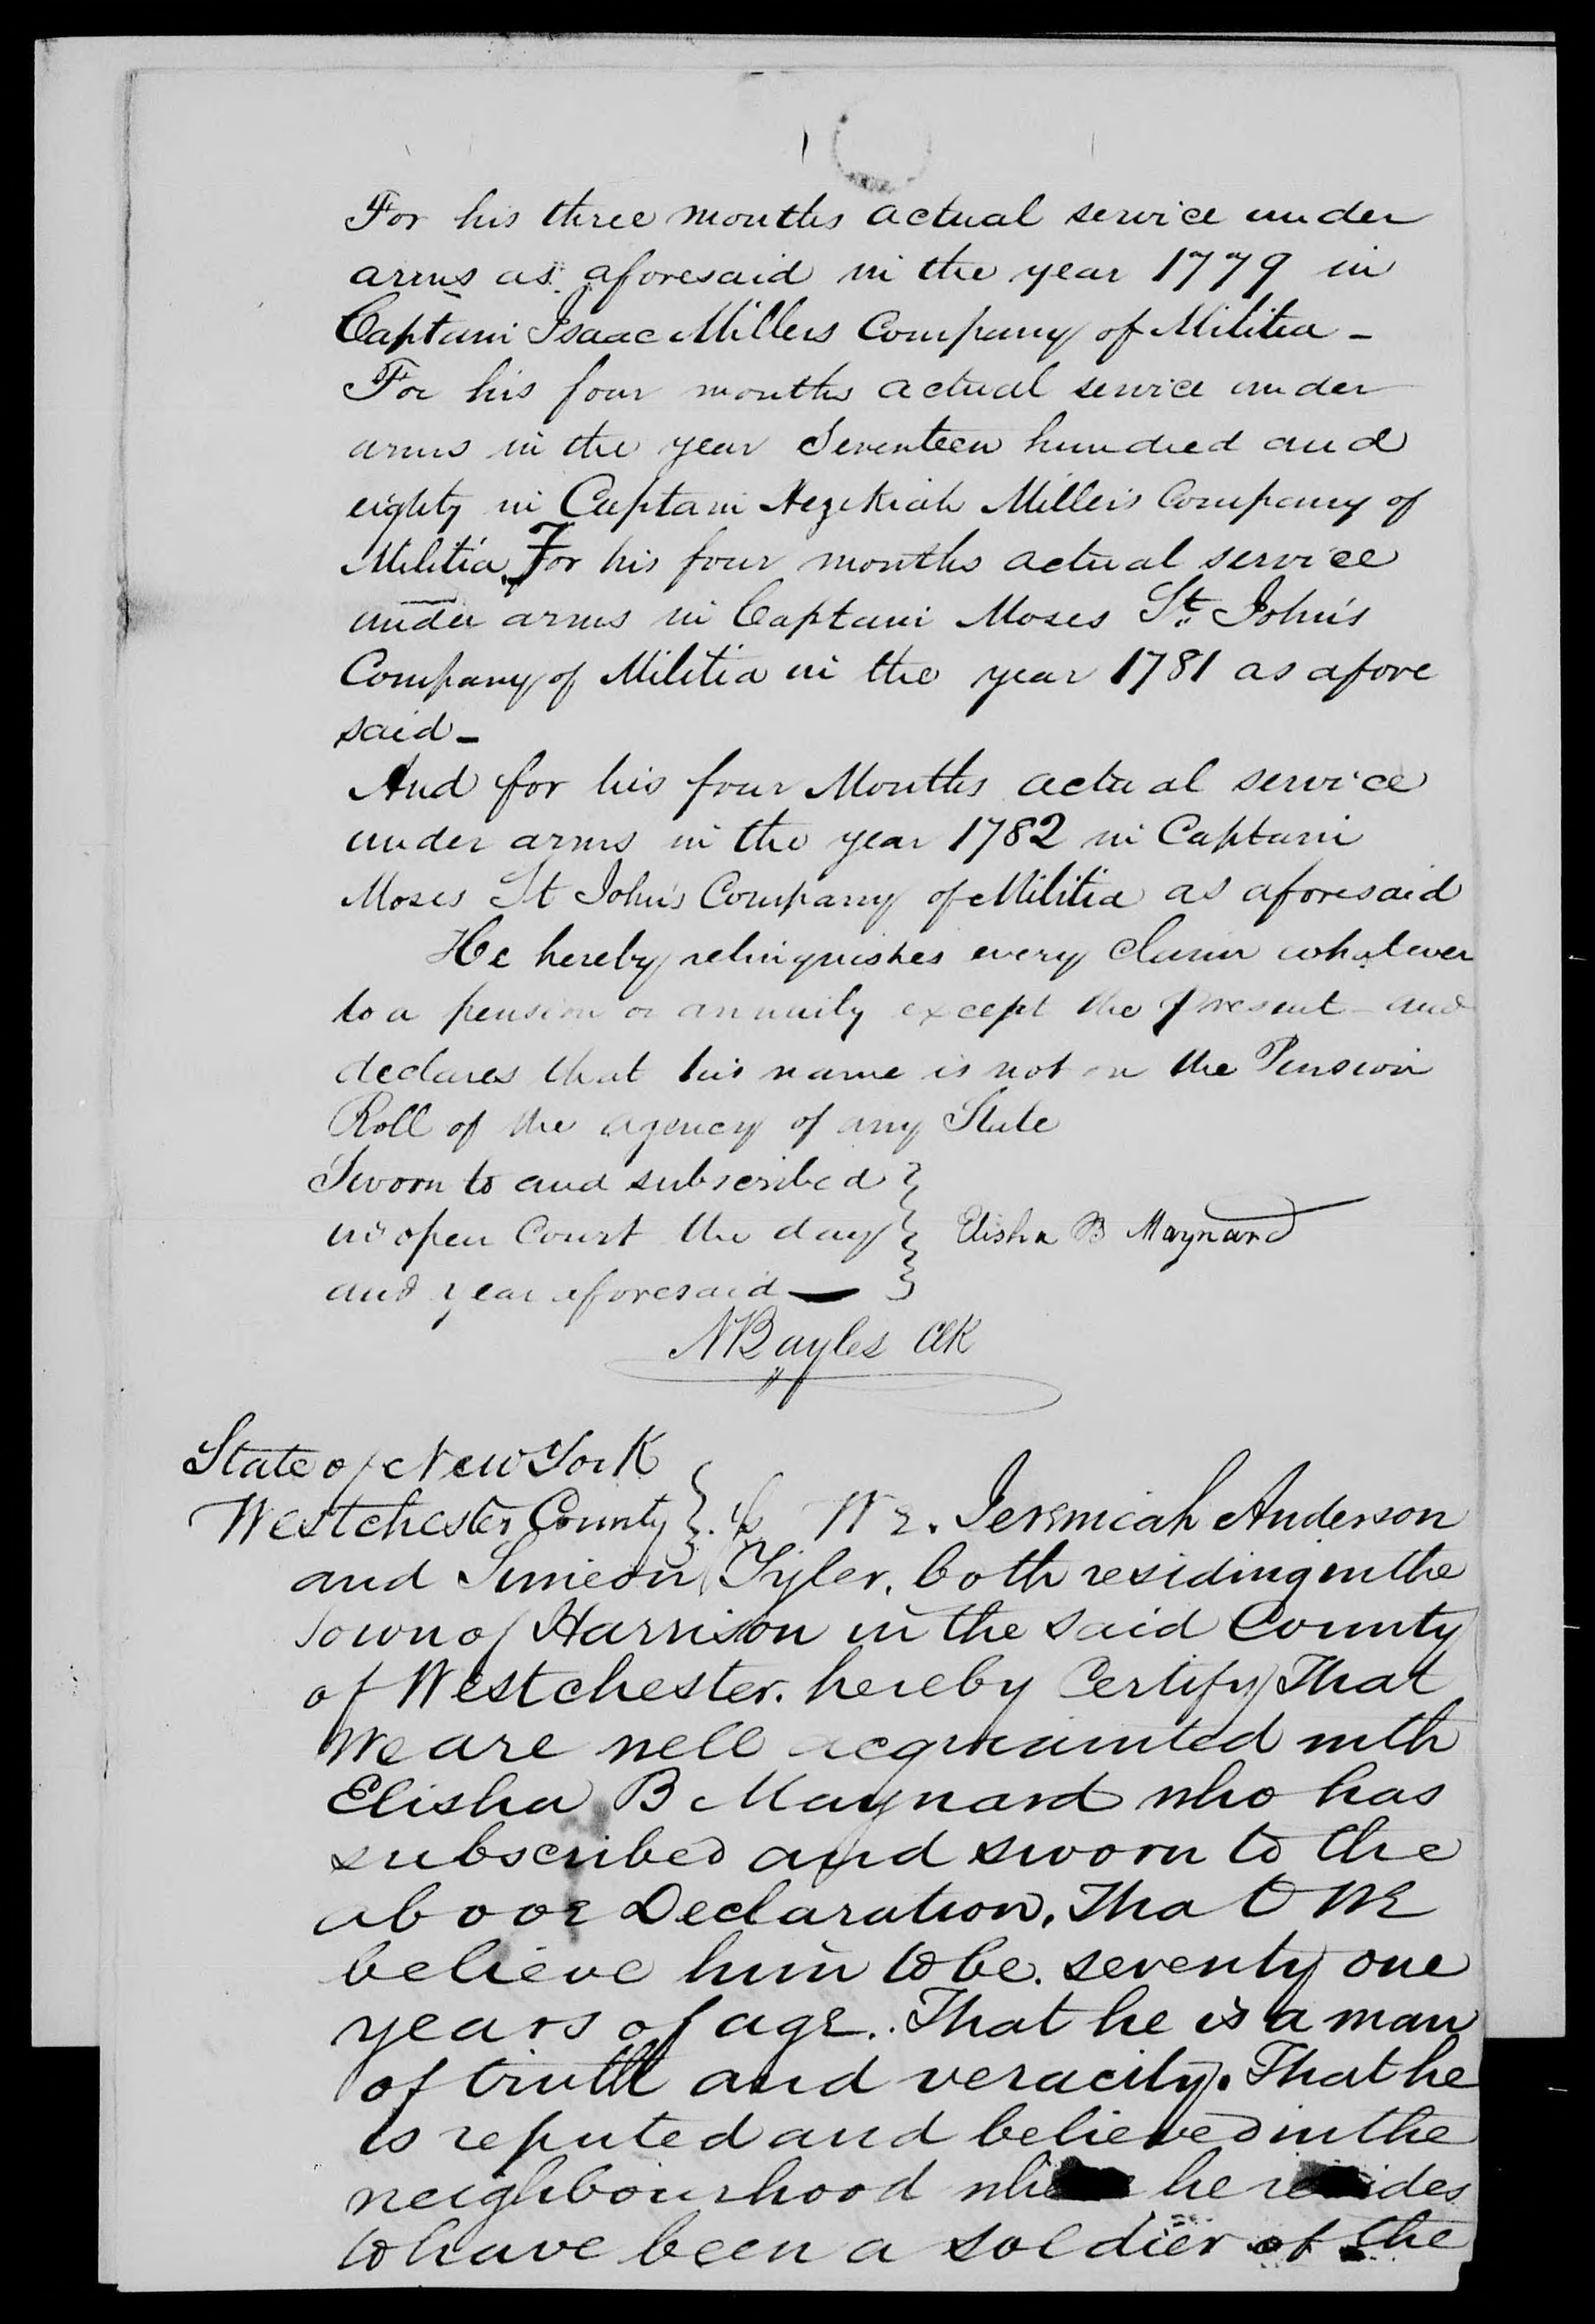For his three months actual service under arms as aforesaid in the year 1779 in Captain Isaac Millers Company of Militia- 
For his four months actual service under arms in the year Seventeen hundred and eighty in Captain Hezekiah Miller's Company of Militia.  For his four months actual service under arms in Captain Moses St John's Company of Militia in the year 1781 as aforesaid 
 And for his four Months actual service under arms in the year 1782 in Captain Moses St John's Company of Militia as aforesaid 
He hereby relinquishes every claim whatever to a pension or annuity except the present and declares that his name is not on the Pension Roll of the Agency of any State
 
Sworn to and subscribed open Court}
the day and year aforesaid} [Signed] Elisha B. Maynard 
[Signed] N Bayles Clk

State of New York} 
Westchester County} ss. We Jeremiah Anderson and Simon Tyler, both residing in the Town of Harrison in the said County of Westchester, hereby Certify That we are well acquainted with Elisha B Maynard who has subscribed and sworn to the above Declaration. That the believe him to be seventy one years of age. That he is a man of truth and veracity. That he is reputed and believed in the neighbourhood where he resides to have been a soldier of the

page: 12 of 33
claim: rejected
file: R. 7,063, for Elisha B Maynard, New York